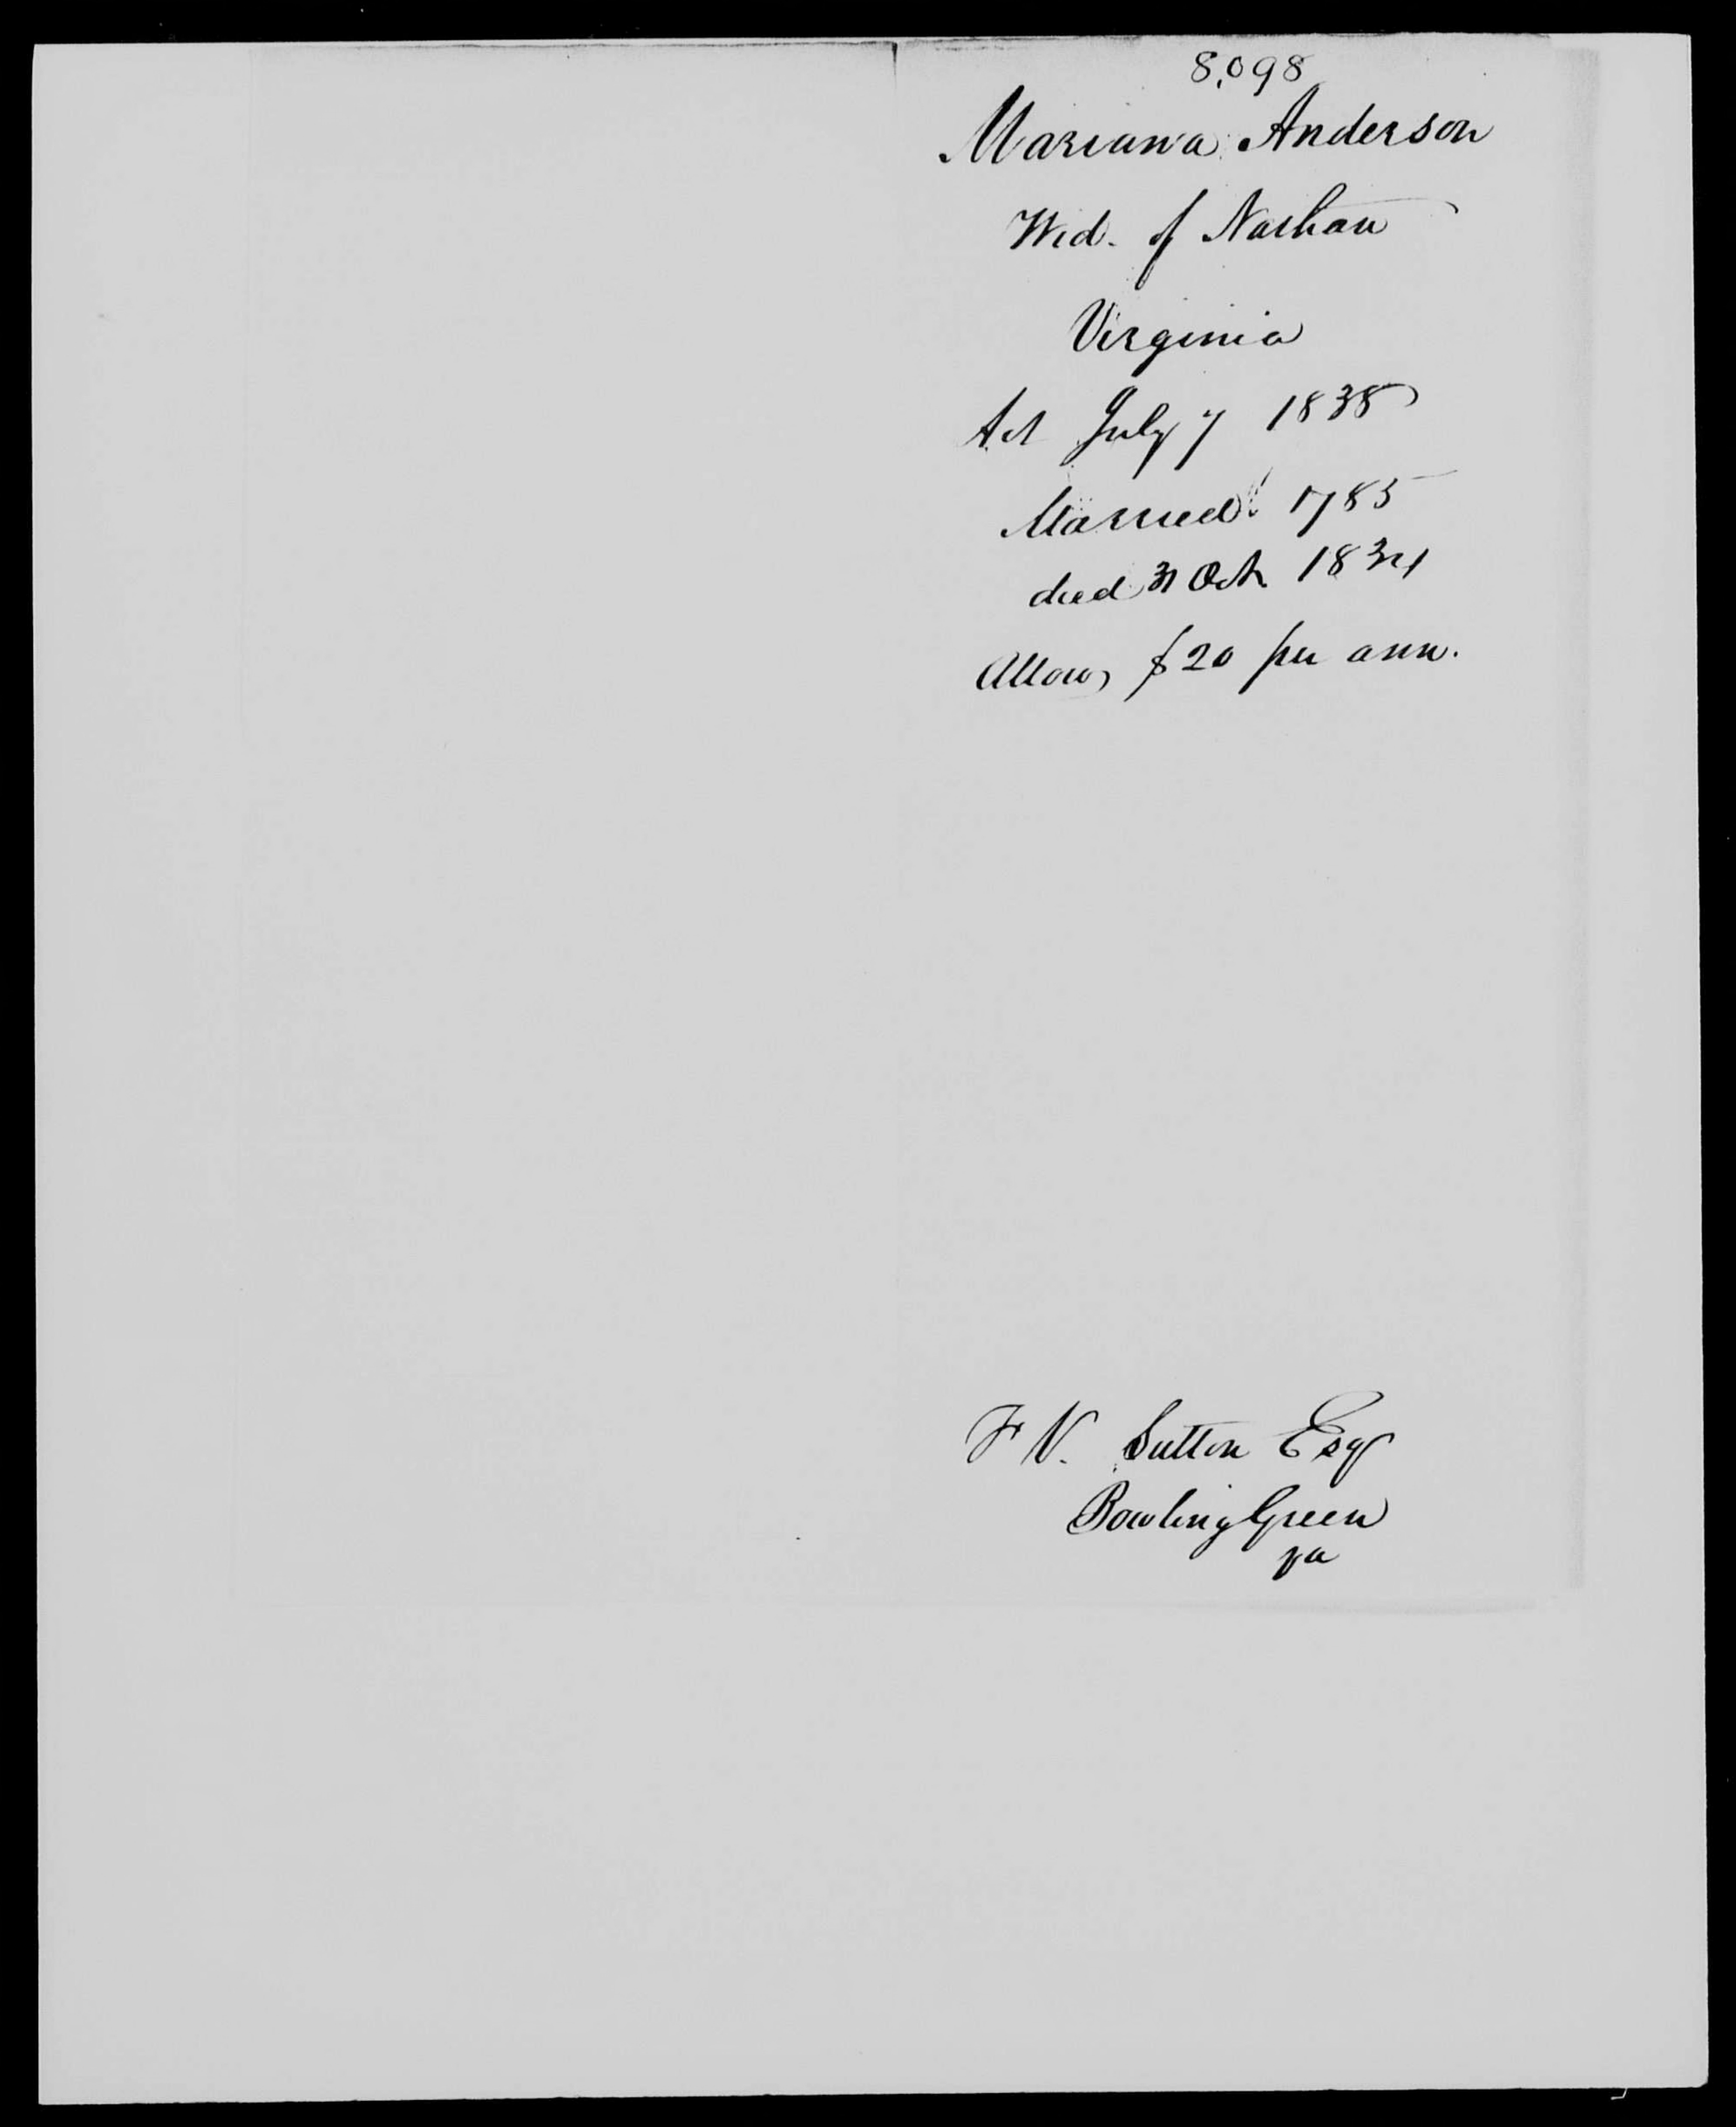8,098
Mariana Anderson
Wid. of Nathan
Virginia
Act July 7 1838
Married 1785
died 31 Oct 1834
Allow $20 per ann.

F. V. Sutton Esq
Bowling Green
Va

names: Mariana Anderson, F V Sutton, Nathan Anderson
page: 20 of 43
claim: widow's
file: W. 5,626, Nathan Anderson, Va.